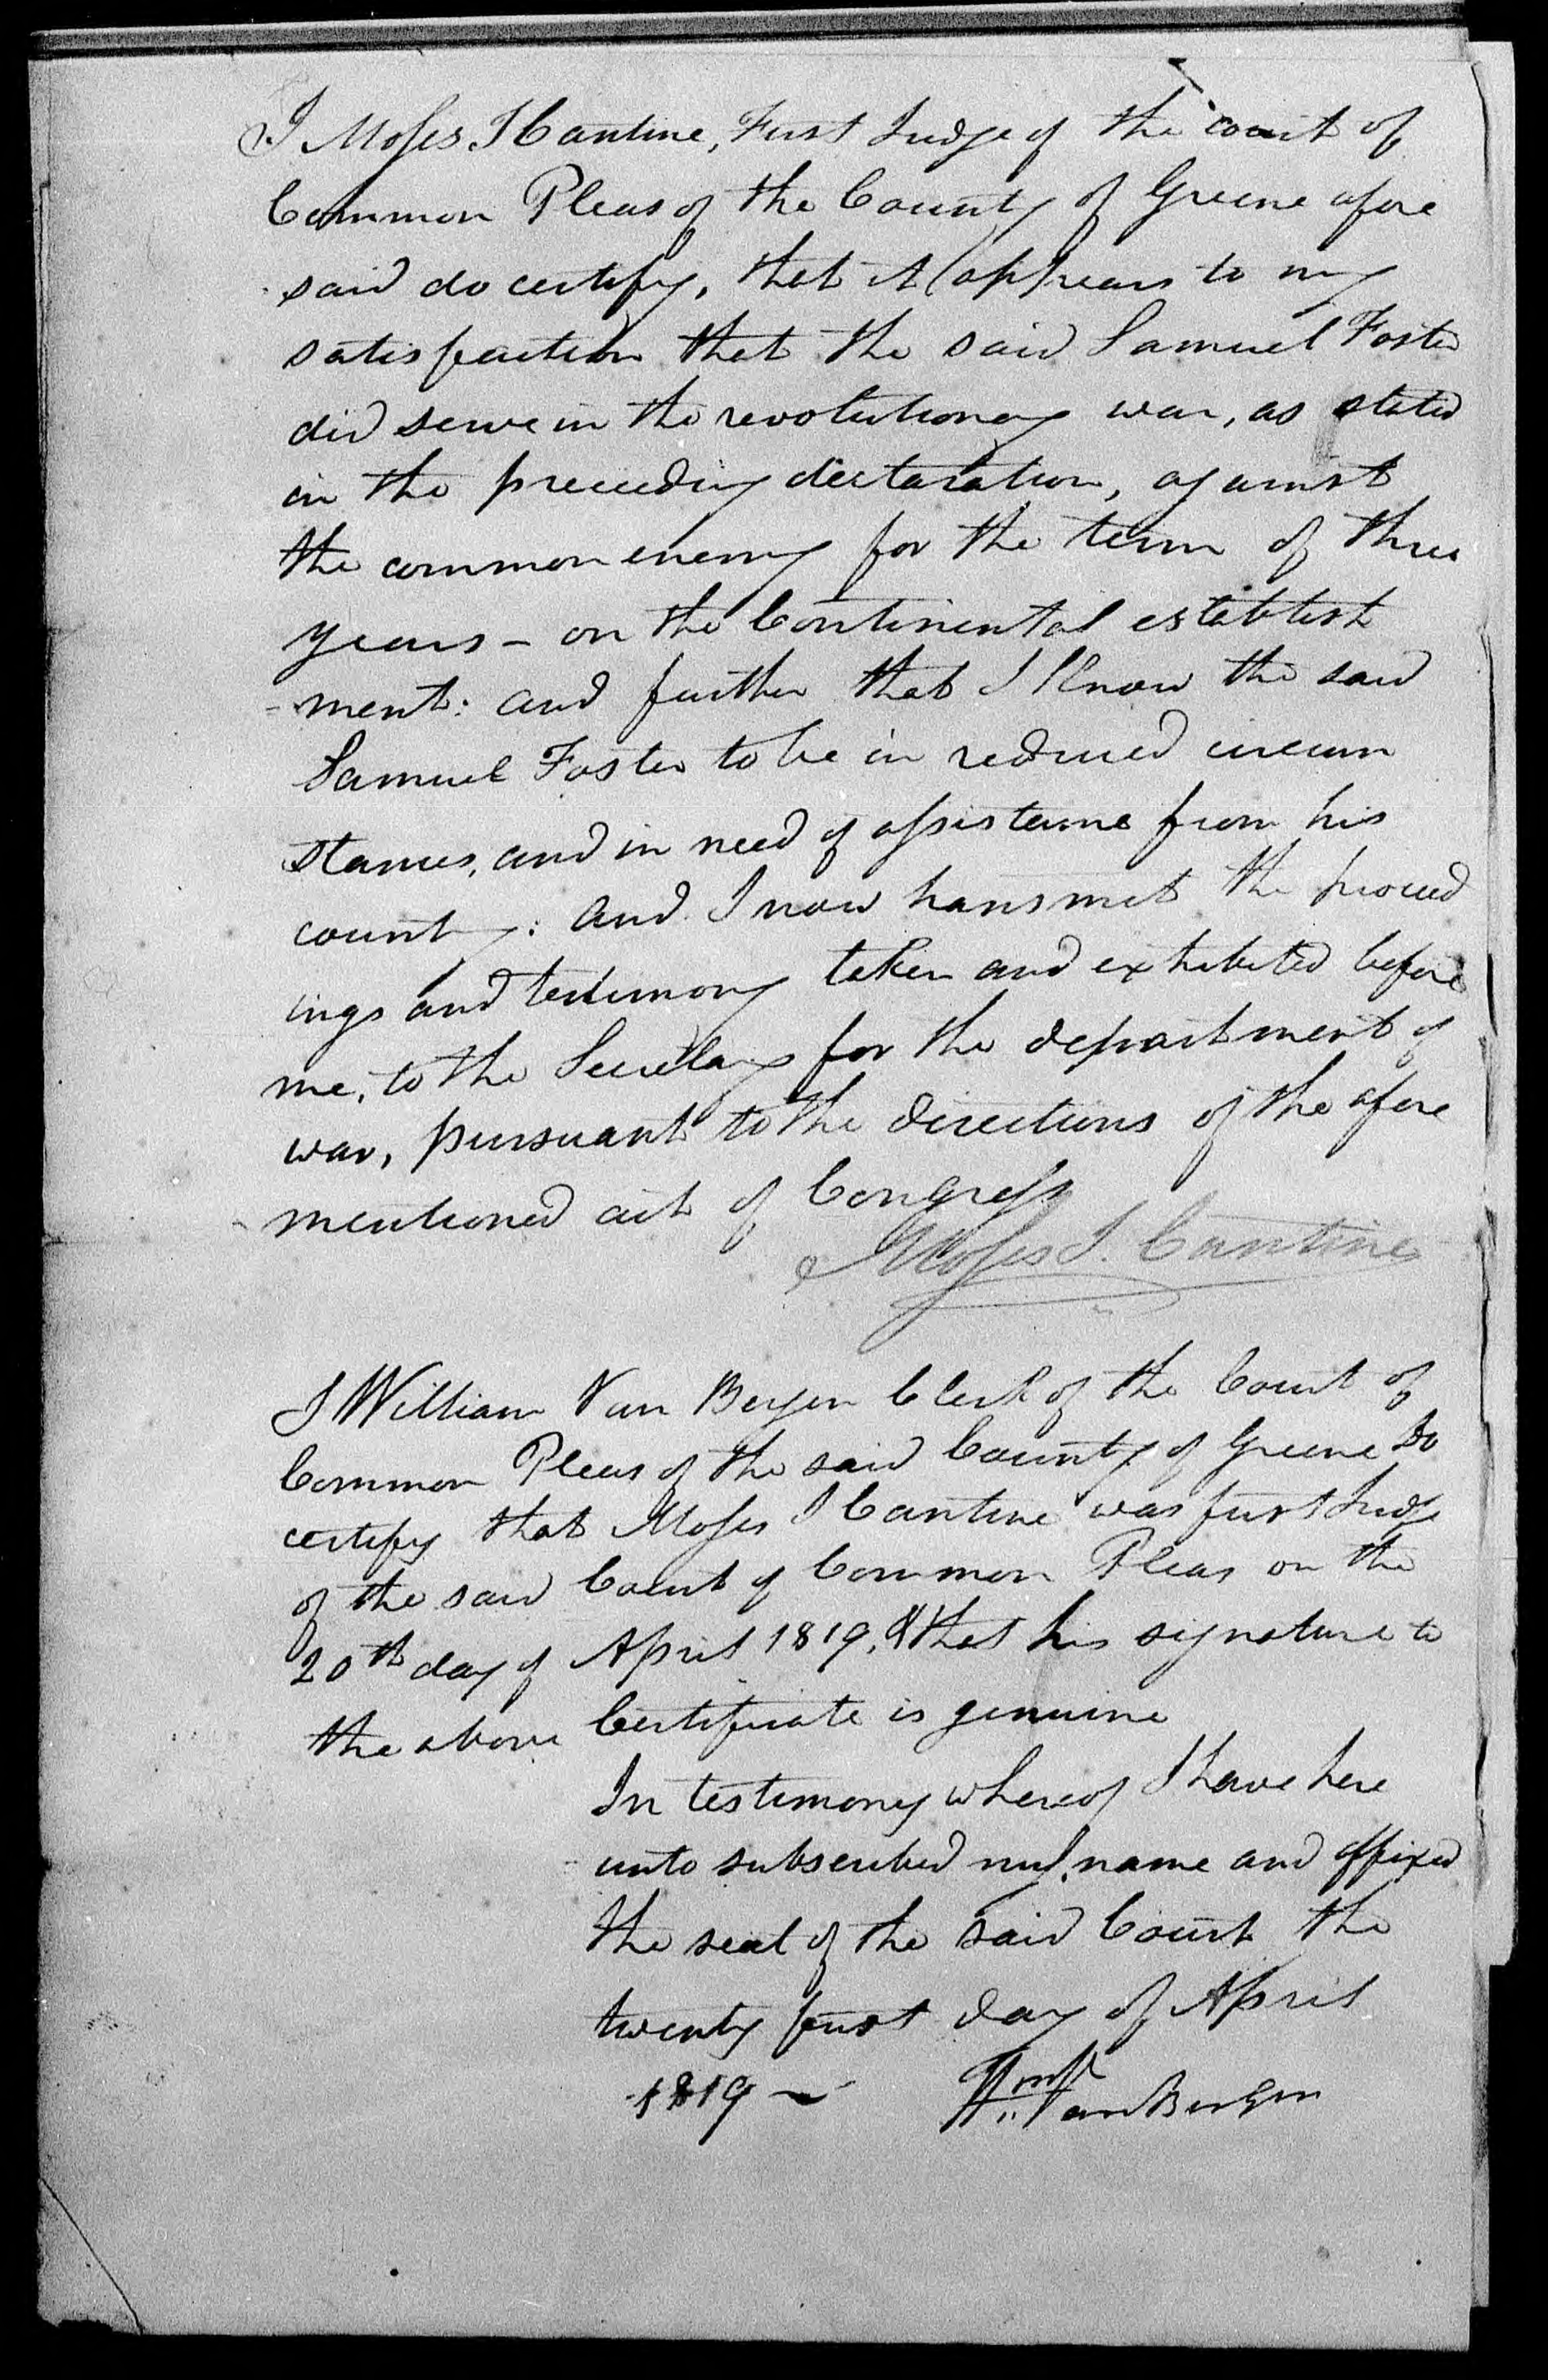I Moses J Cantine, First Judge of the court of Common Pleas of the County of Greene aforesaid do certify, that it appears to my satisfaction that the said Samuel Foster did serve in the revolutionary war, as stated in the preceeding (sic) declaration, against the common enemy for the term of three years - on the Continental establishment. and further that I know the said Samuel Foster to be in reduced circumstances, and in need of assistance from his country. And I now transmit the proceedings and testimony taken and exhibited before me, to the Secretary for the department of war, pursuant to the directions of the afore mentioned act of Congress

[signed] Moses J Cantine

I William Van Beyer Clerk of the Court of Common Pleas of the said Court of Greene Do certify that Moses J Cantine was first Judge of the said Court of Common Pleas in the 20th day of April 1819 & that his signature to the above certificate is genuine

In testimony whereof I have hereinto subscribed my name and affixed the seal of the said Court the twenty first day of April 1819~

[signature]Wm Van Beyer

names: Moses J Cantine, Samuel Foster, Moses J Cantine, William Van Beyer, Wm Van Bergen, Samuel Foster, Moses J Cantine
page: 29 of 54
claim: survivor's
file: S. 13,043, Samuel Foster, Conn.